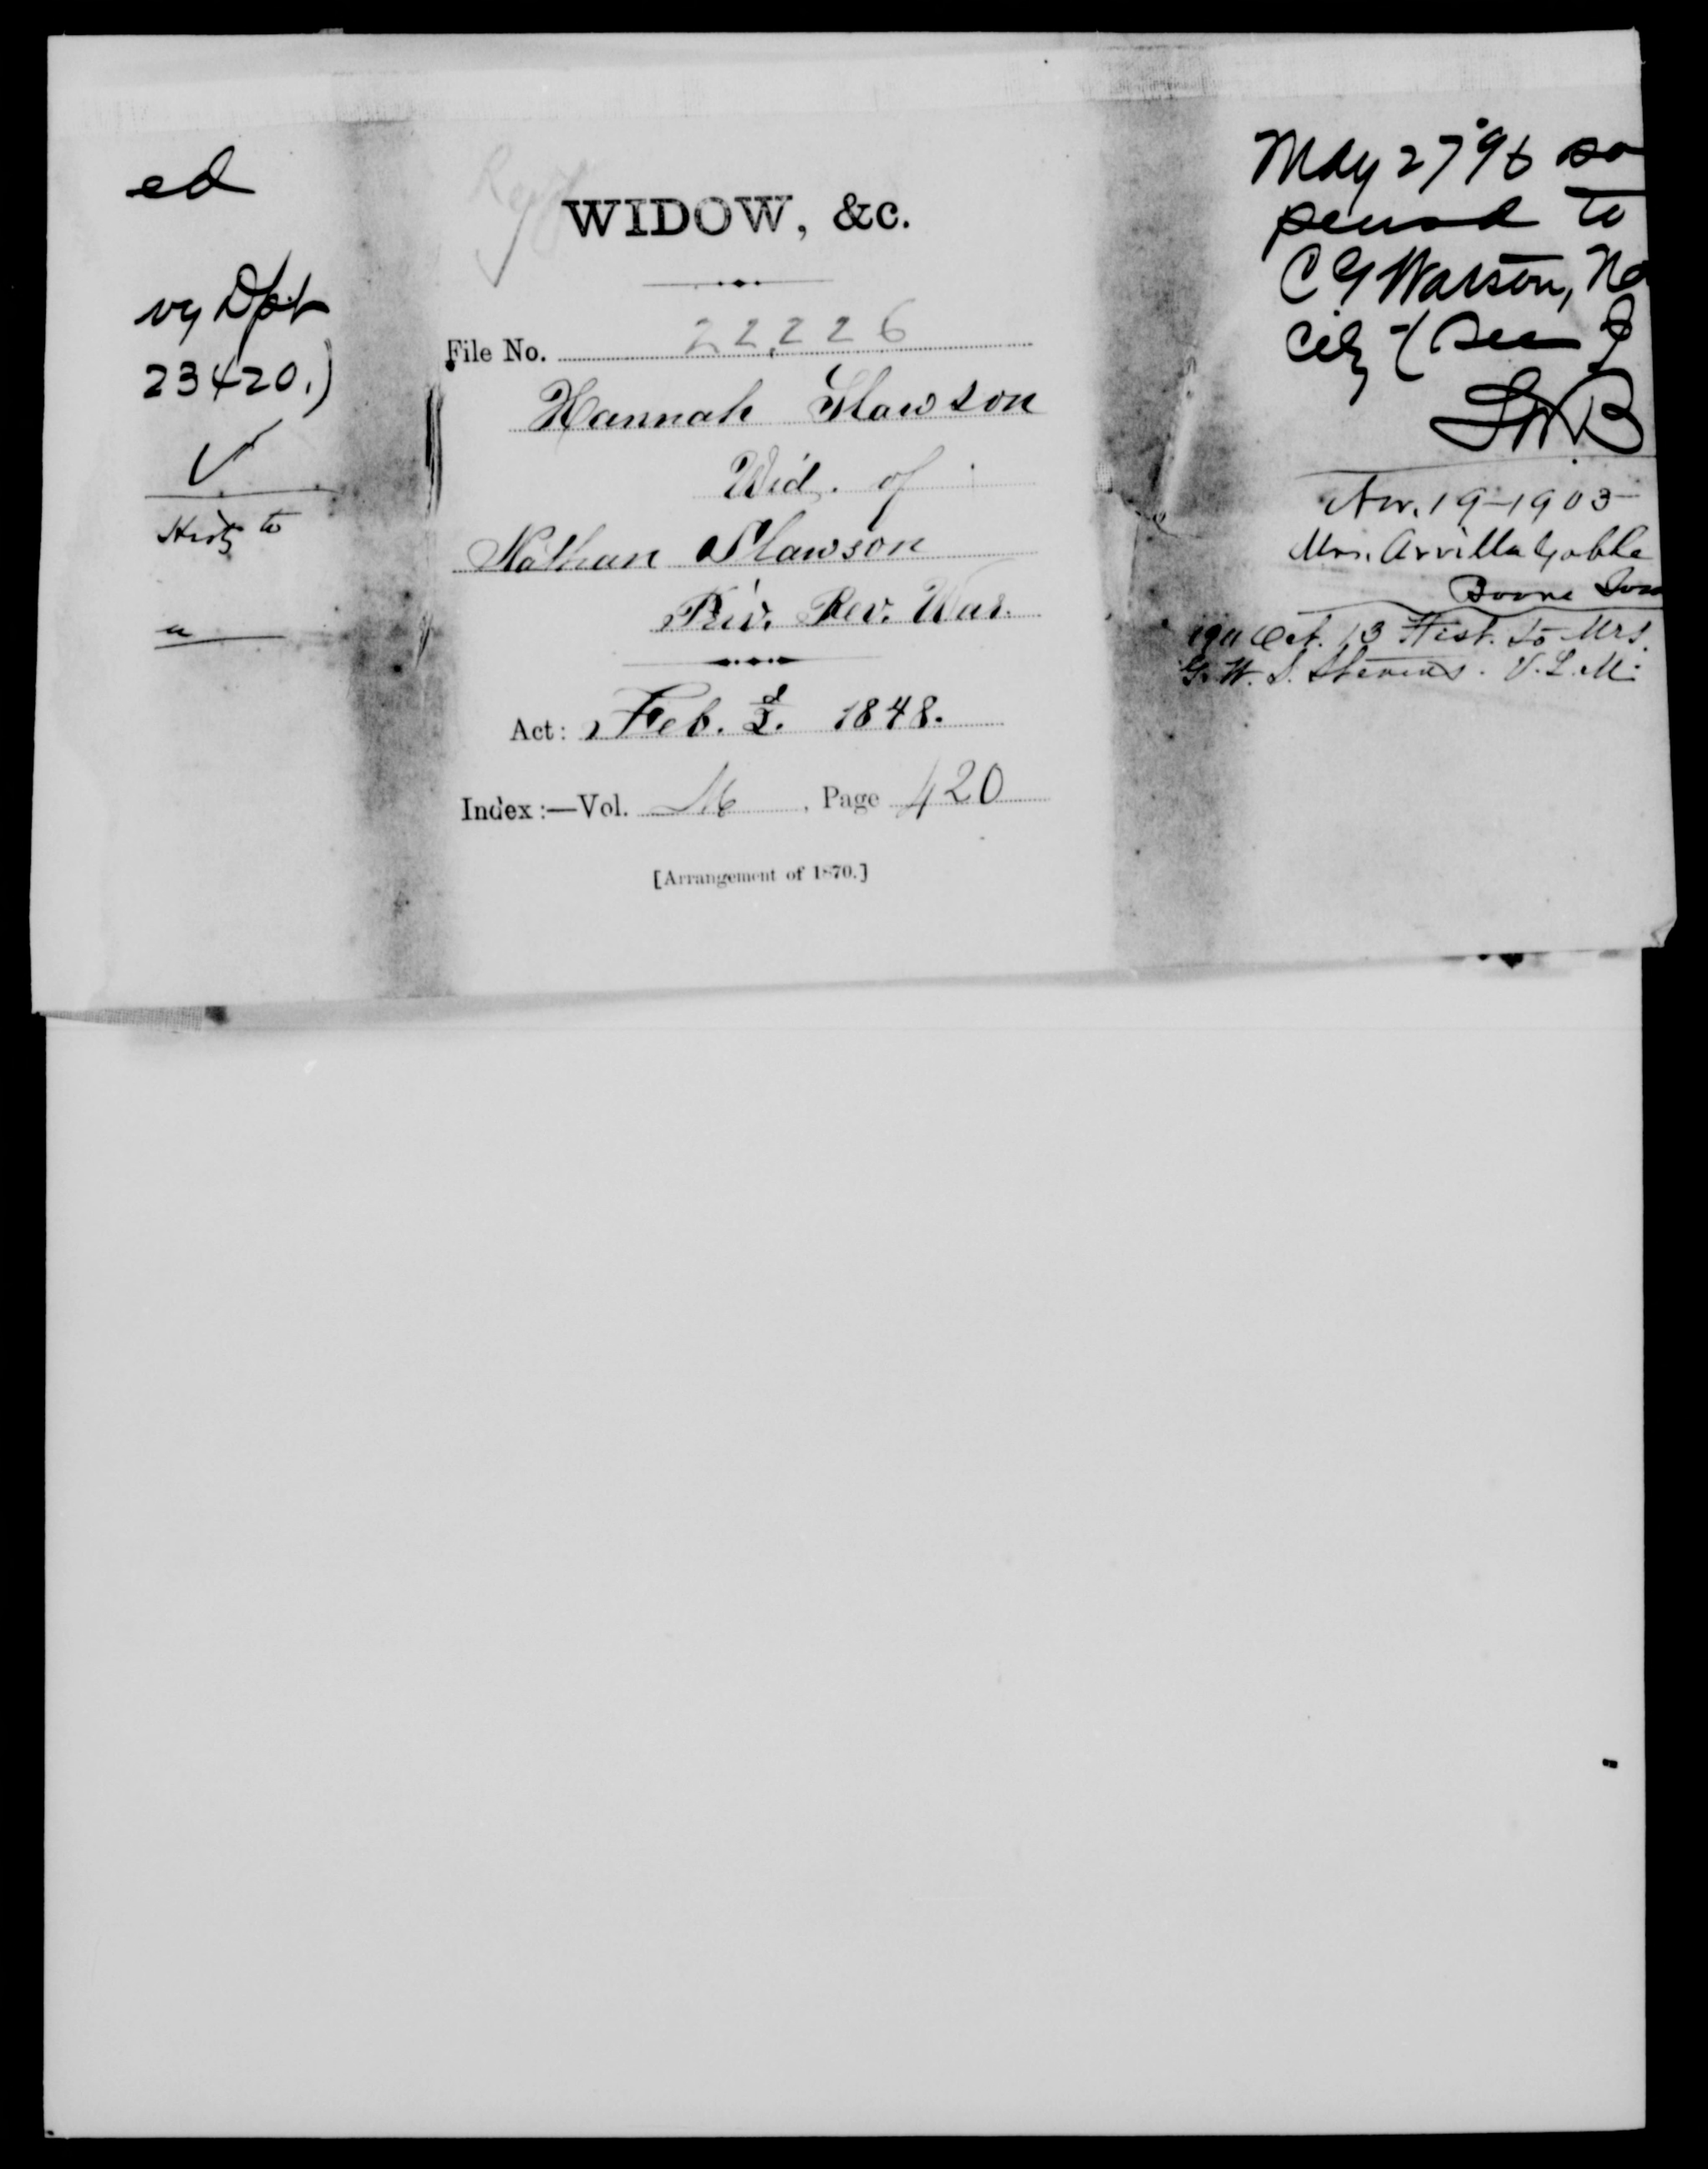ed
vy Dept.
23420
Hist to
Revy WIDOW, &c. 
File No. 22226 
Hannah Slawson 
Wid of Nathan Slawson 
Act: Feb. 2d. 1848. 
Index: - Vol. M, Page 420 
[Arrangement of 1870.] 
May 2796 
[unreadable] to C G Watson, City (sec j  FNB
Novr 19 1903 Mrs. Arvilla Gable Boon Iowa
1911 Oct 13 Hist. to Mrs. G. W. S. Stevens. V. L.M.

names: Arvilla Gable; C G Watson; Nathan Slawson; G W S Stevens; Hannah Slawson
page: 44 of 87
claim: widow's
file: W. 22,226, for Nathan Slawson, Connecticut